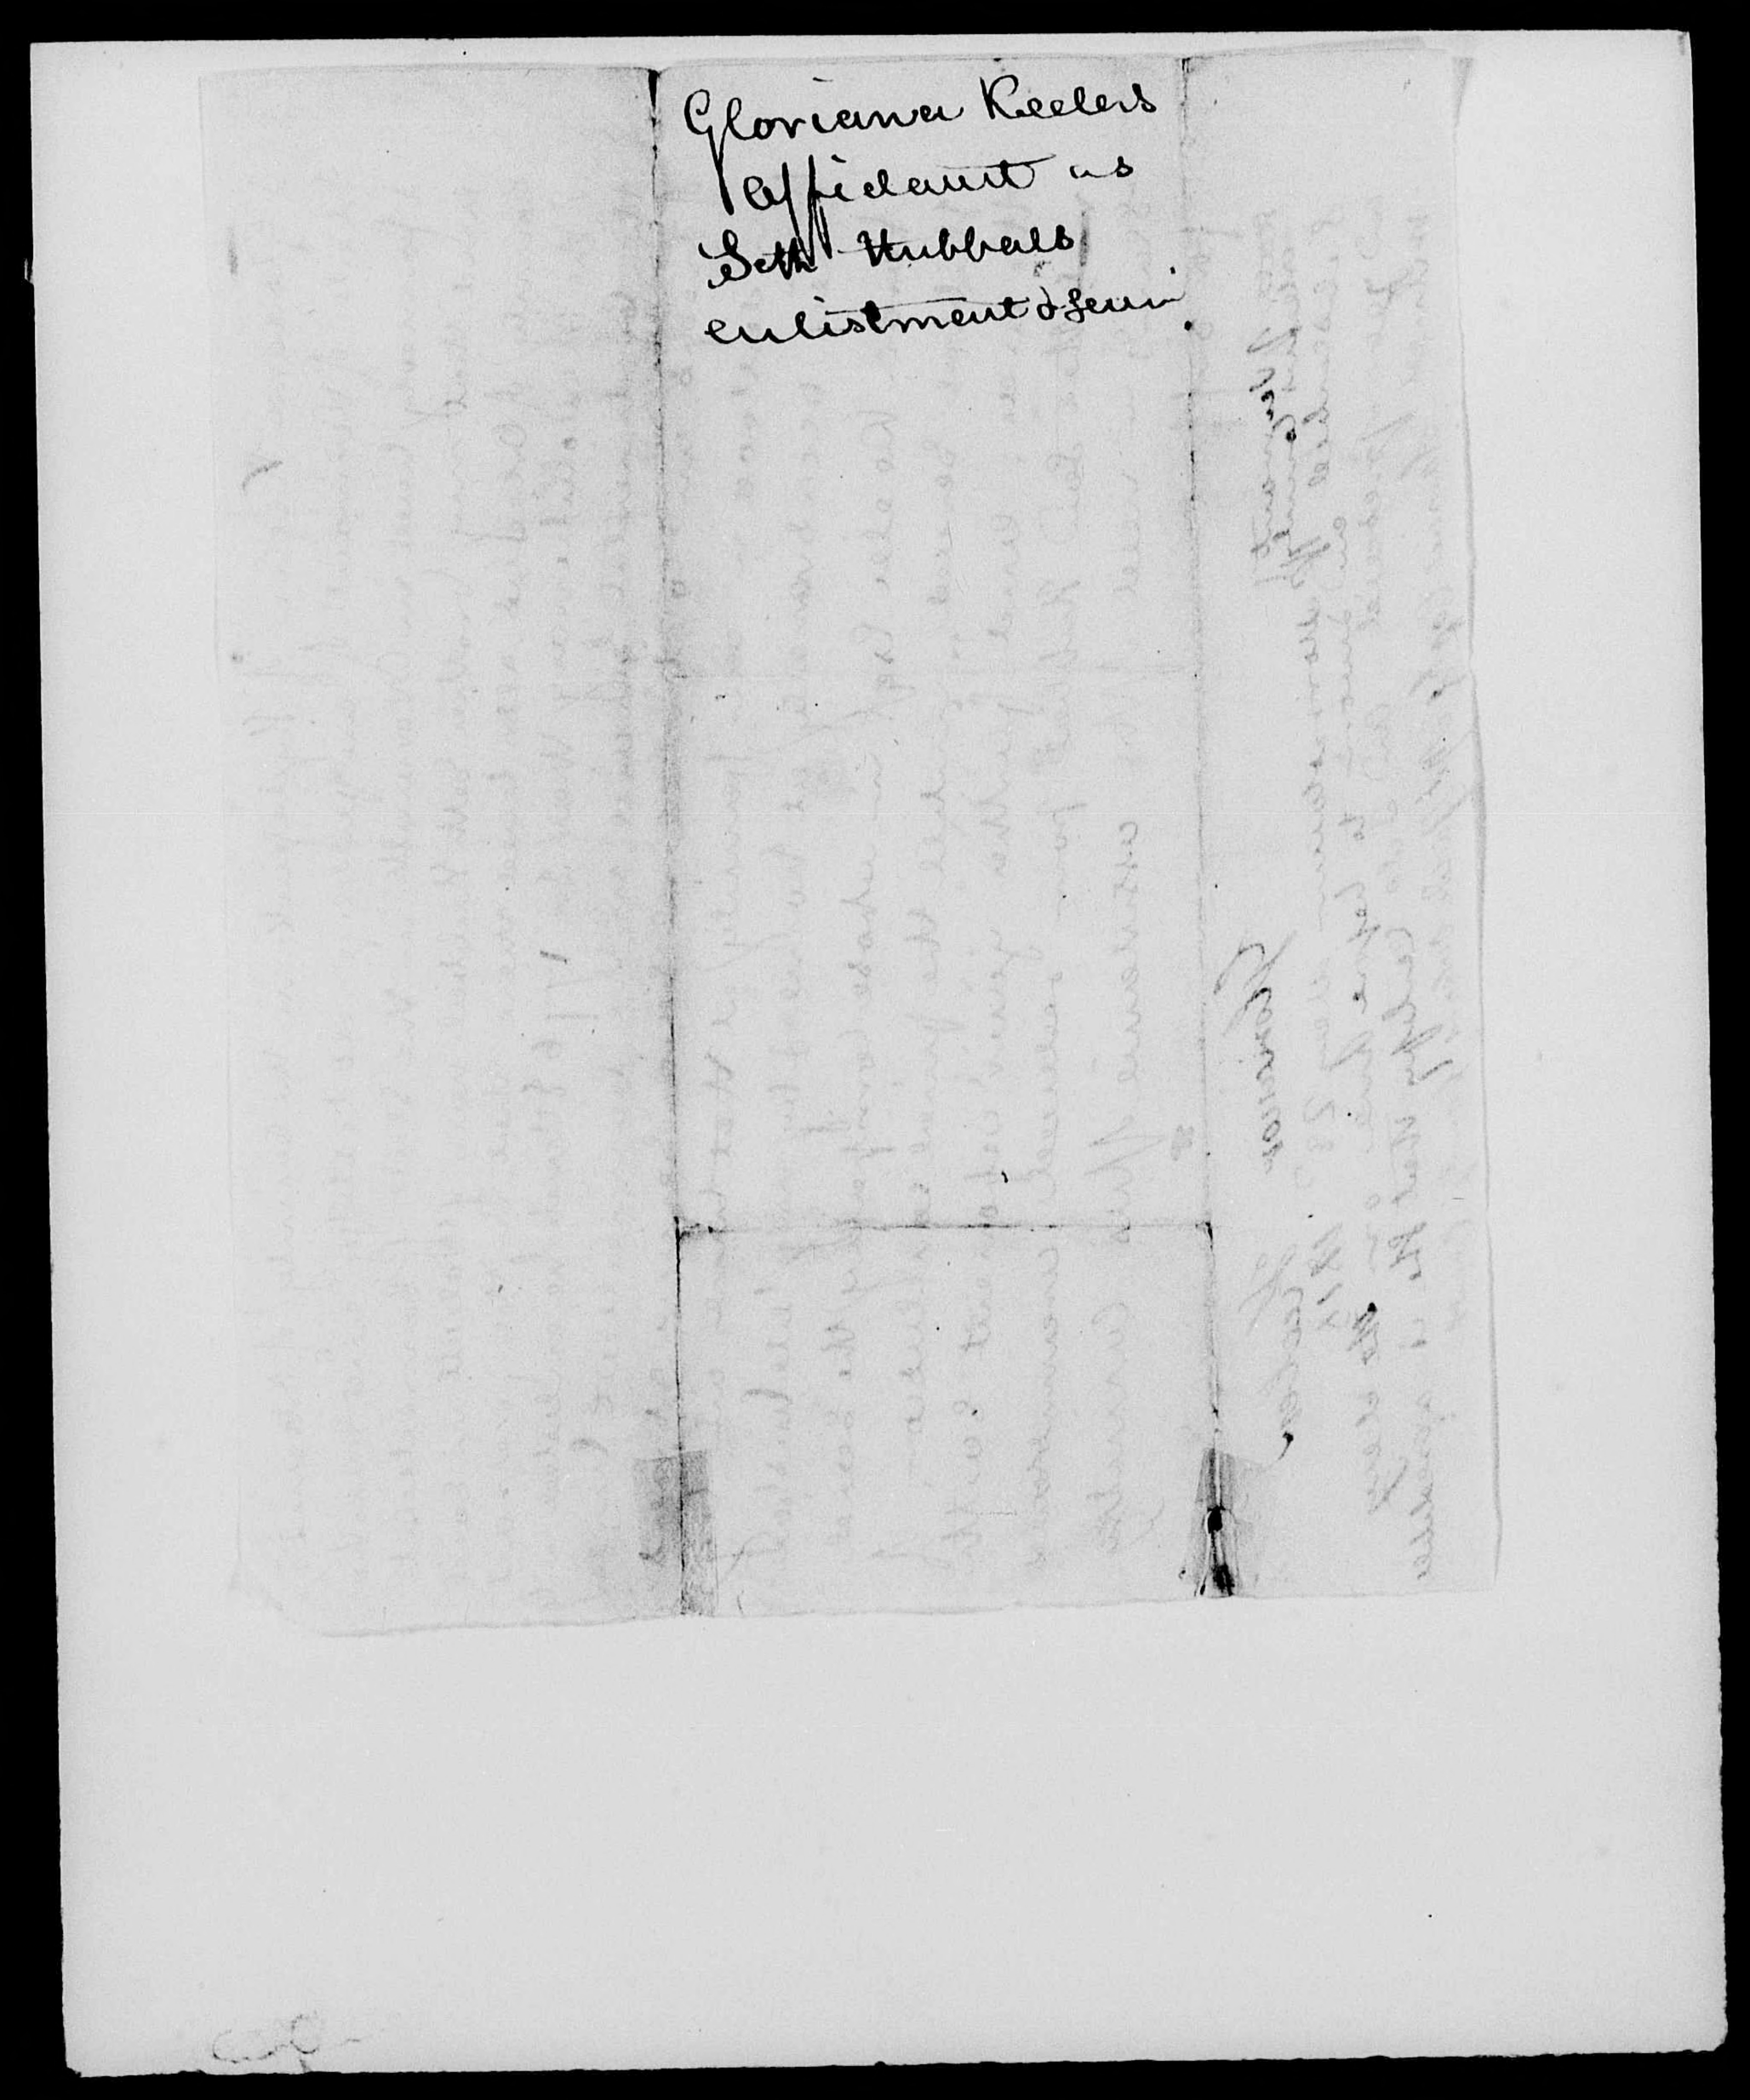Gloriana Keelers
affidavit as
Seth Hubbell
enlistment & service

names: Seth Hubball, Gloriana Keeler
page: 34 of 114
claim: widow's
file: W. 2115, Seth Hubbell, Conn.